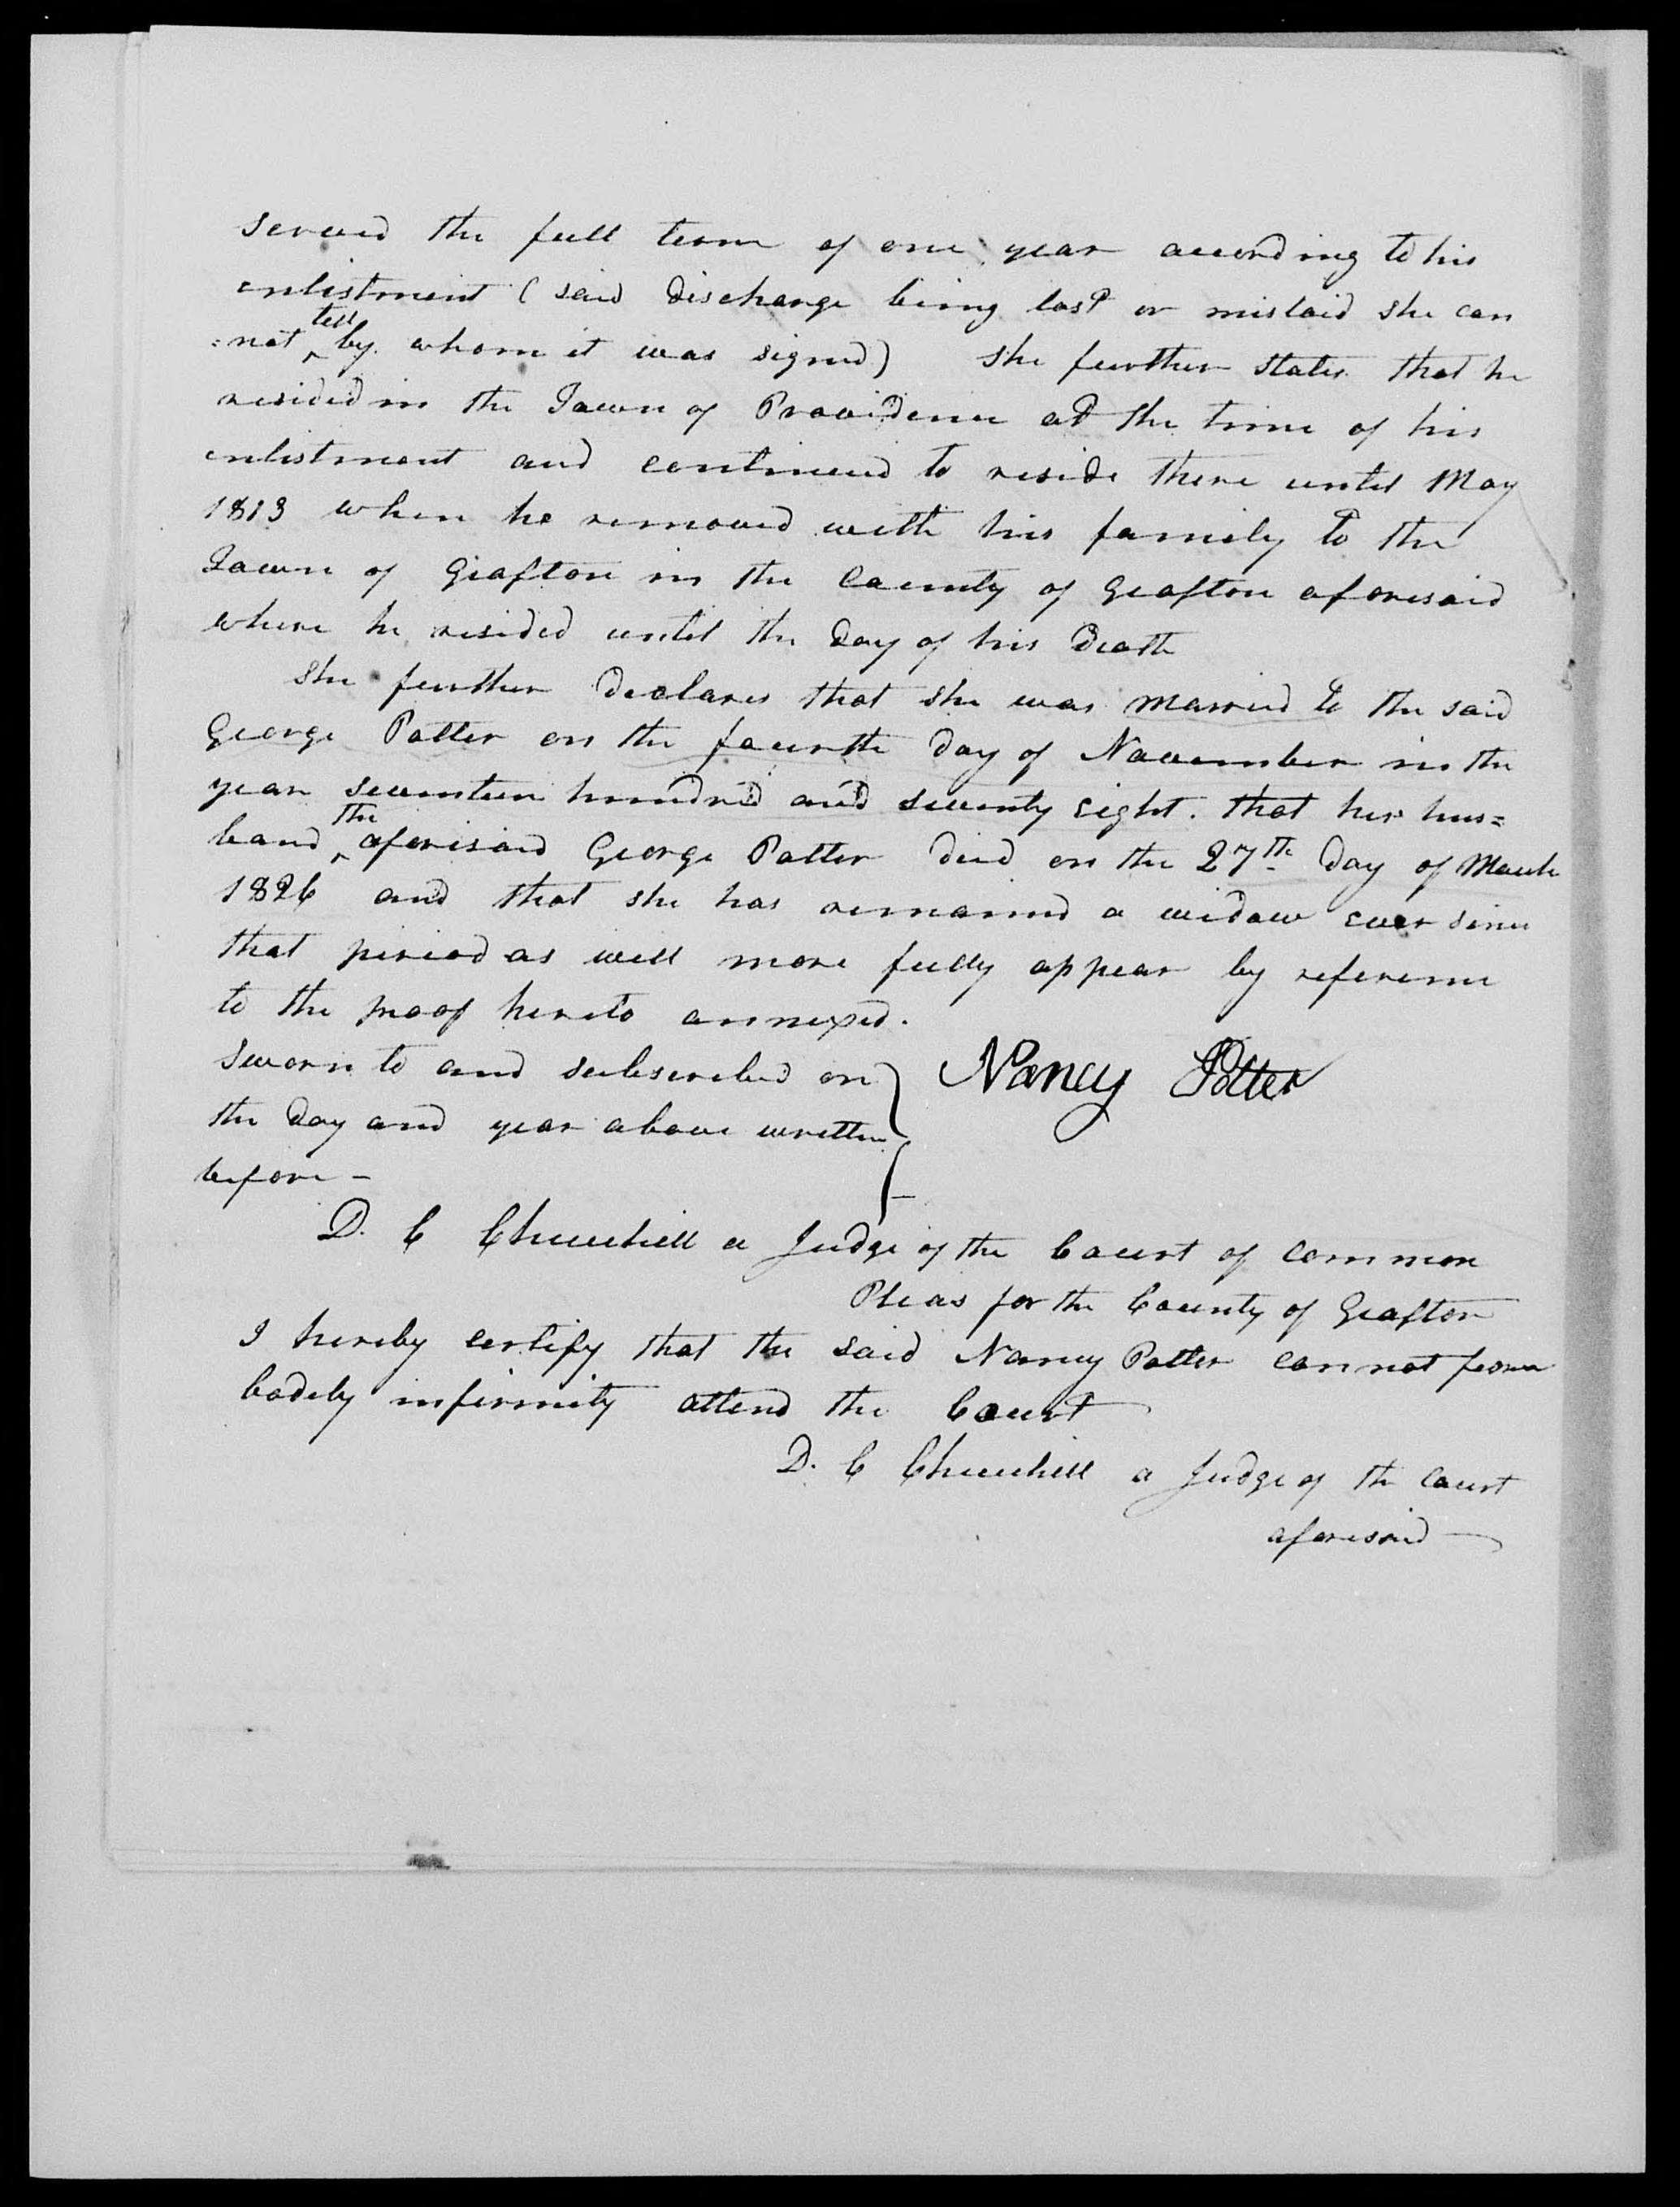served the full term of one year according to his enlistment (said discharge being lost or mislaid she can not tell by whom it was signed).  She further states that he resided in the Town of Providence at the time of his enlistment and continued to reside there until May 1813 when he removed with his family to the Town of Grafton in the County of Grafton aforesaid where he resided until the day of his death.  

She further declares that she was married to the said George Potter on the fourth day of November in the year seventeen hundred and seventy eight that her husband the aforesaid George Potter died on the 27th day of March 1826 and that she has remained a widow ever since that period as will more fully appear by reference to the proof henceto annexed.

Sworn to and subscribed on        }
the day and year above written   }       Nancy Potter
before                                           }

D C Churchill a Judge of the Court of Common Please for the County of Grafton
I hereby certify that the said Nancy Potter can not from bodily infirmity attend the Court.
                                                    D C Churchill a Judge of the Court aforesaid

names: George Potter; D C Churchill; Nancy Potter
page: 5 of 40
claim: widow's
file: W. 16058, for George Potter, Rhode Island